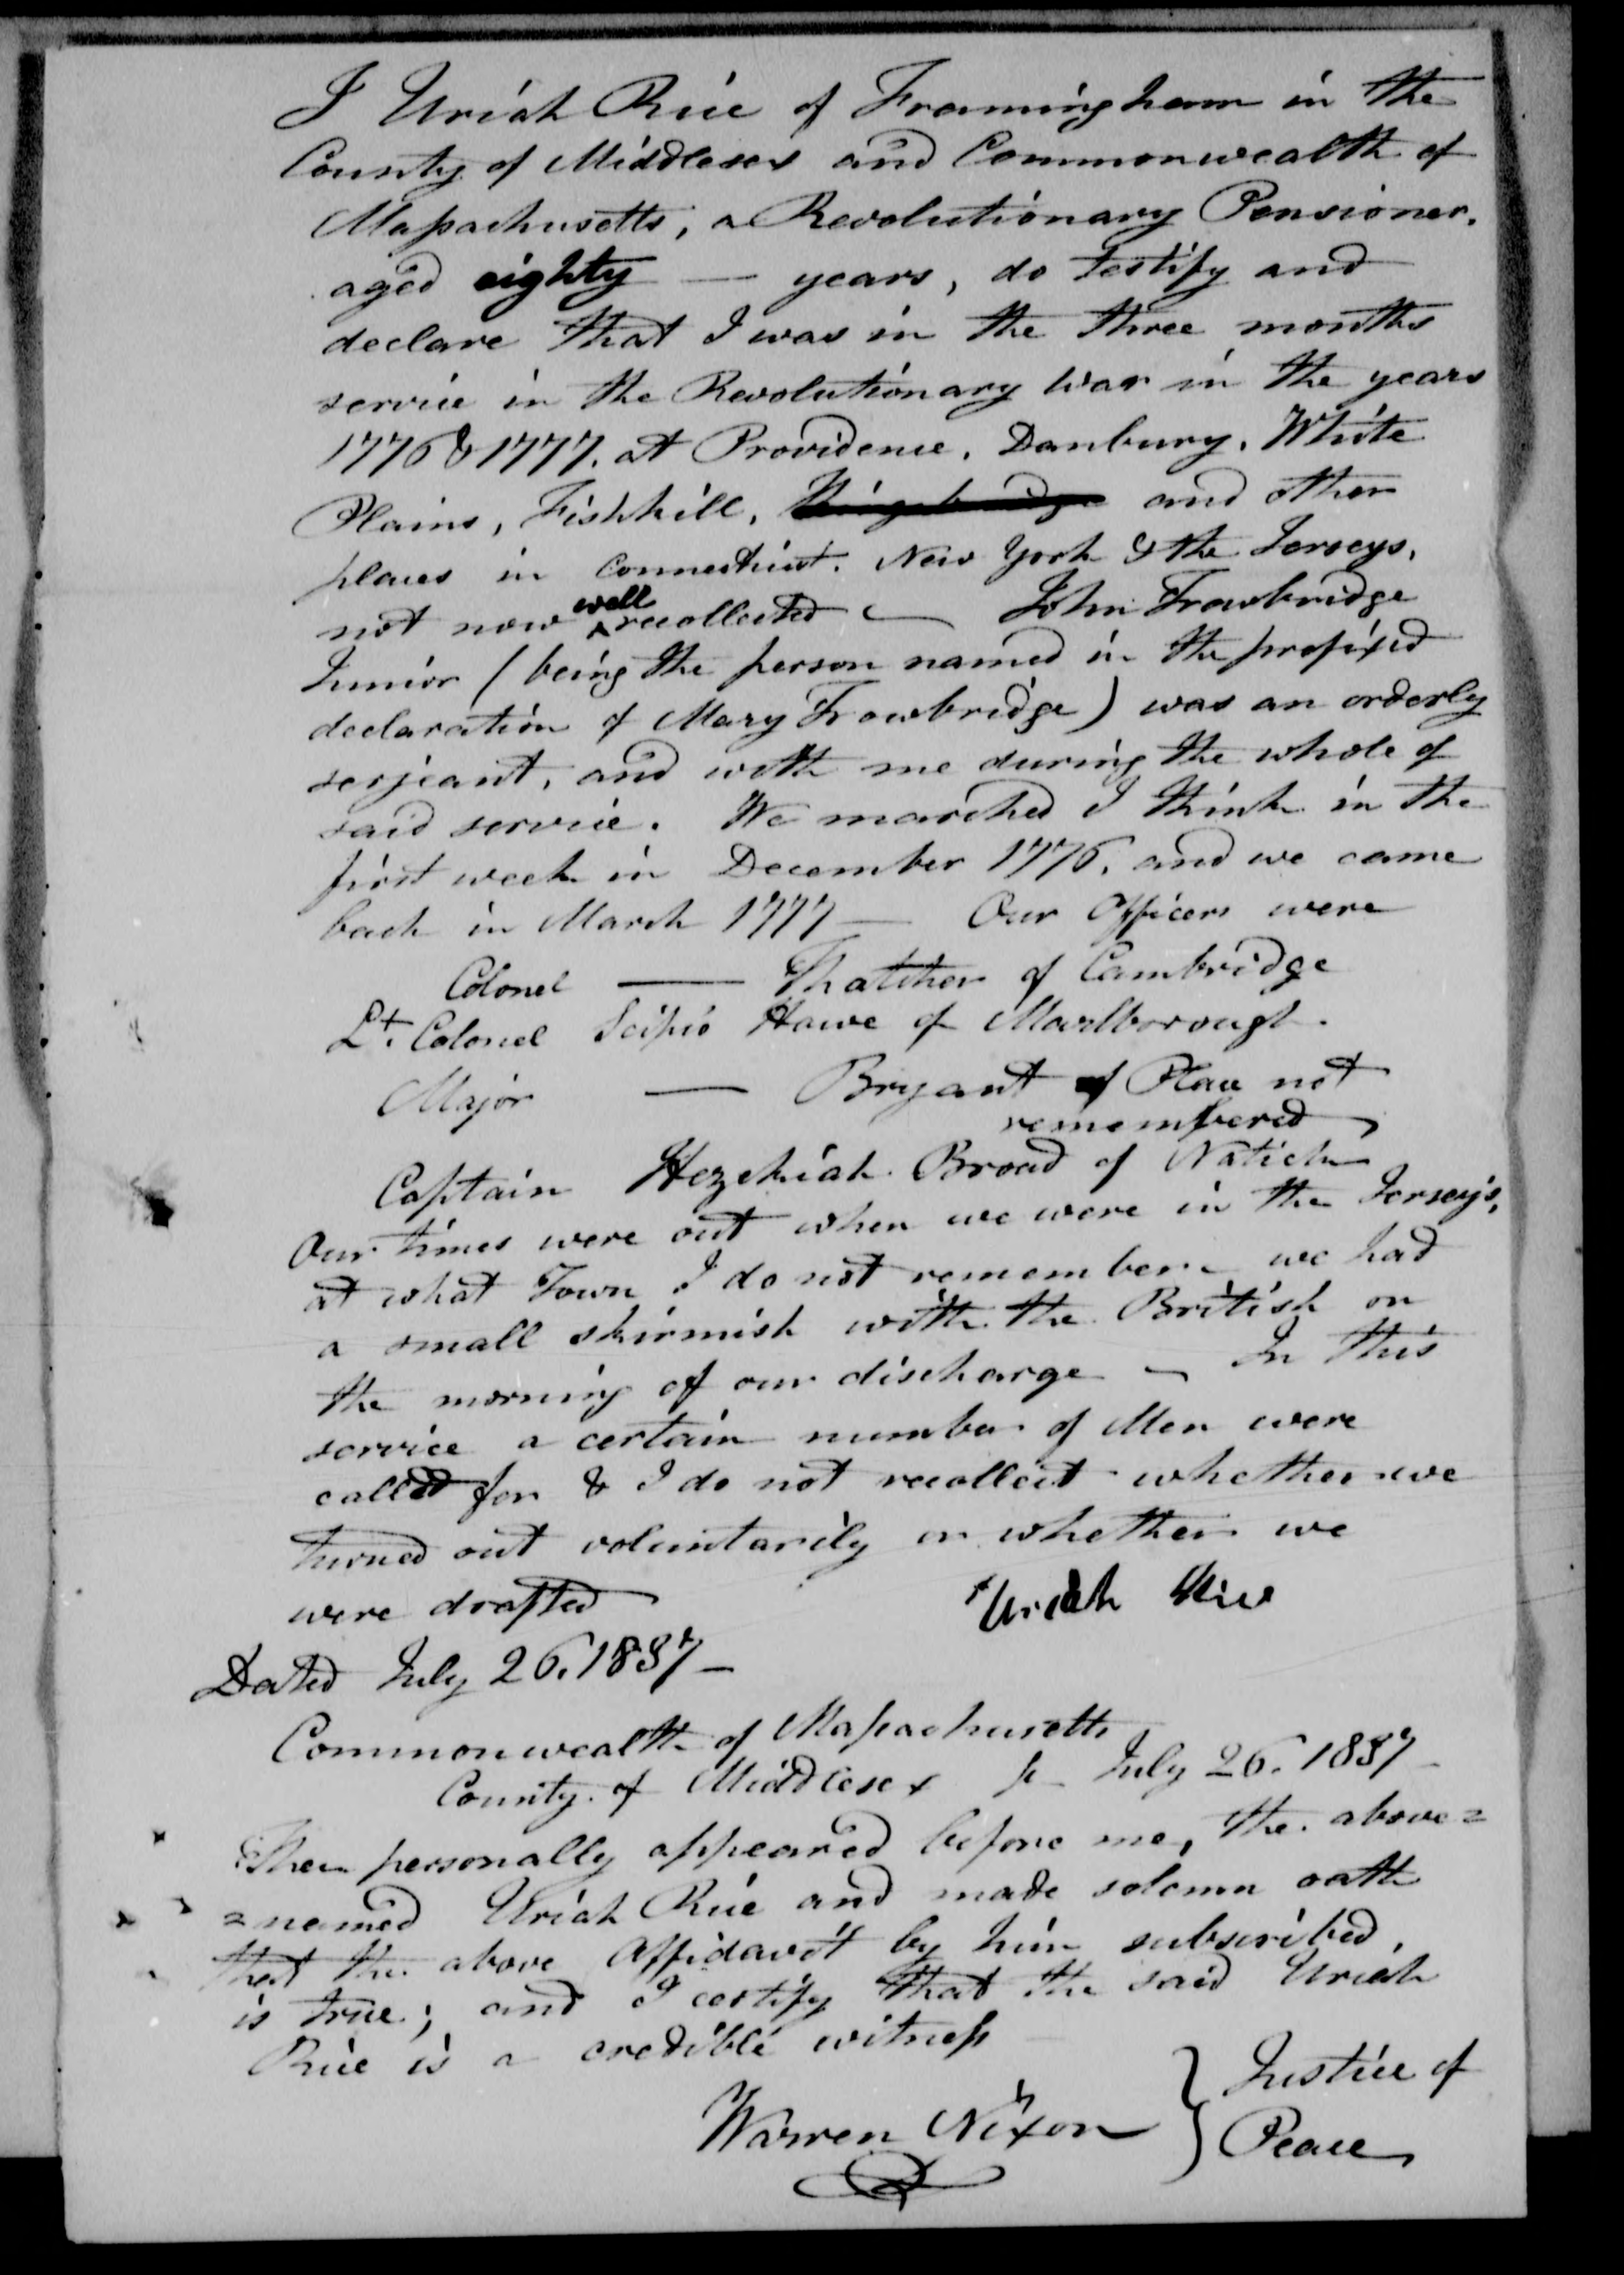I Uriah Rice of Framingham in the
County of Middlesex and Commonwealth of
Massachusetts, a Revolutionary Pensioner
aged eighty years, do testify and
declare that I was in the three months
service in the Revolutionary war in the years
1776 & 1777, at Providence, Danbury, White
Plains, Fishkill, and other
places in Connecticut. New York & the Jerseys
not now recollected John Trowbridge
Junior being the person named in the prefixed
declaration of Mary Trowbridge ) was an orderly
sergeant, and with me during the whole of
said service. We marched I think in the
first week in December 1776, and we came
back in March 1777- Our Officers were
Colonel-- Thatcher of Cambridge
Lt. Colonel Scipio Howe of Marlborough
Major Bryant of Place not
remembered
Captain Hezekiah Broad of Natick
our times were out when we were in the Jersey's,
at what Town, I do not remember we had a
small skirmish with the British on
the morning of our discharge-
In this
service a certain number of men were
called for & I do not recollect whether we
turned out voluntarily or whether we 
were drafted
Uriah Rice
Dated July 26, 1837 -

Commonwealth of Massachusetts 
County of Middlesex July 26, 1837
Here personally appeared before me, the above
named Uriah Rice and made solemn oath
the above affidavit by him subscribed is 
true; and I certify that the said Uriah
Rice is a credible witness
Warren Nixon
Justice of Peace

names: Uriah Rice, Mary Trowbridge, John Trowbridge, Bryant, Uriah Rice, Thatcher, Uriah Rice, Seipio Howe, Hezekiah Broad, Warren Nixon, Uriah Rice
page: 11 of 34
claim: widow's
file: W. 15439, John Trowbridge, Mass.